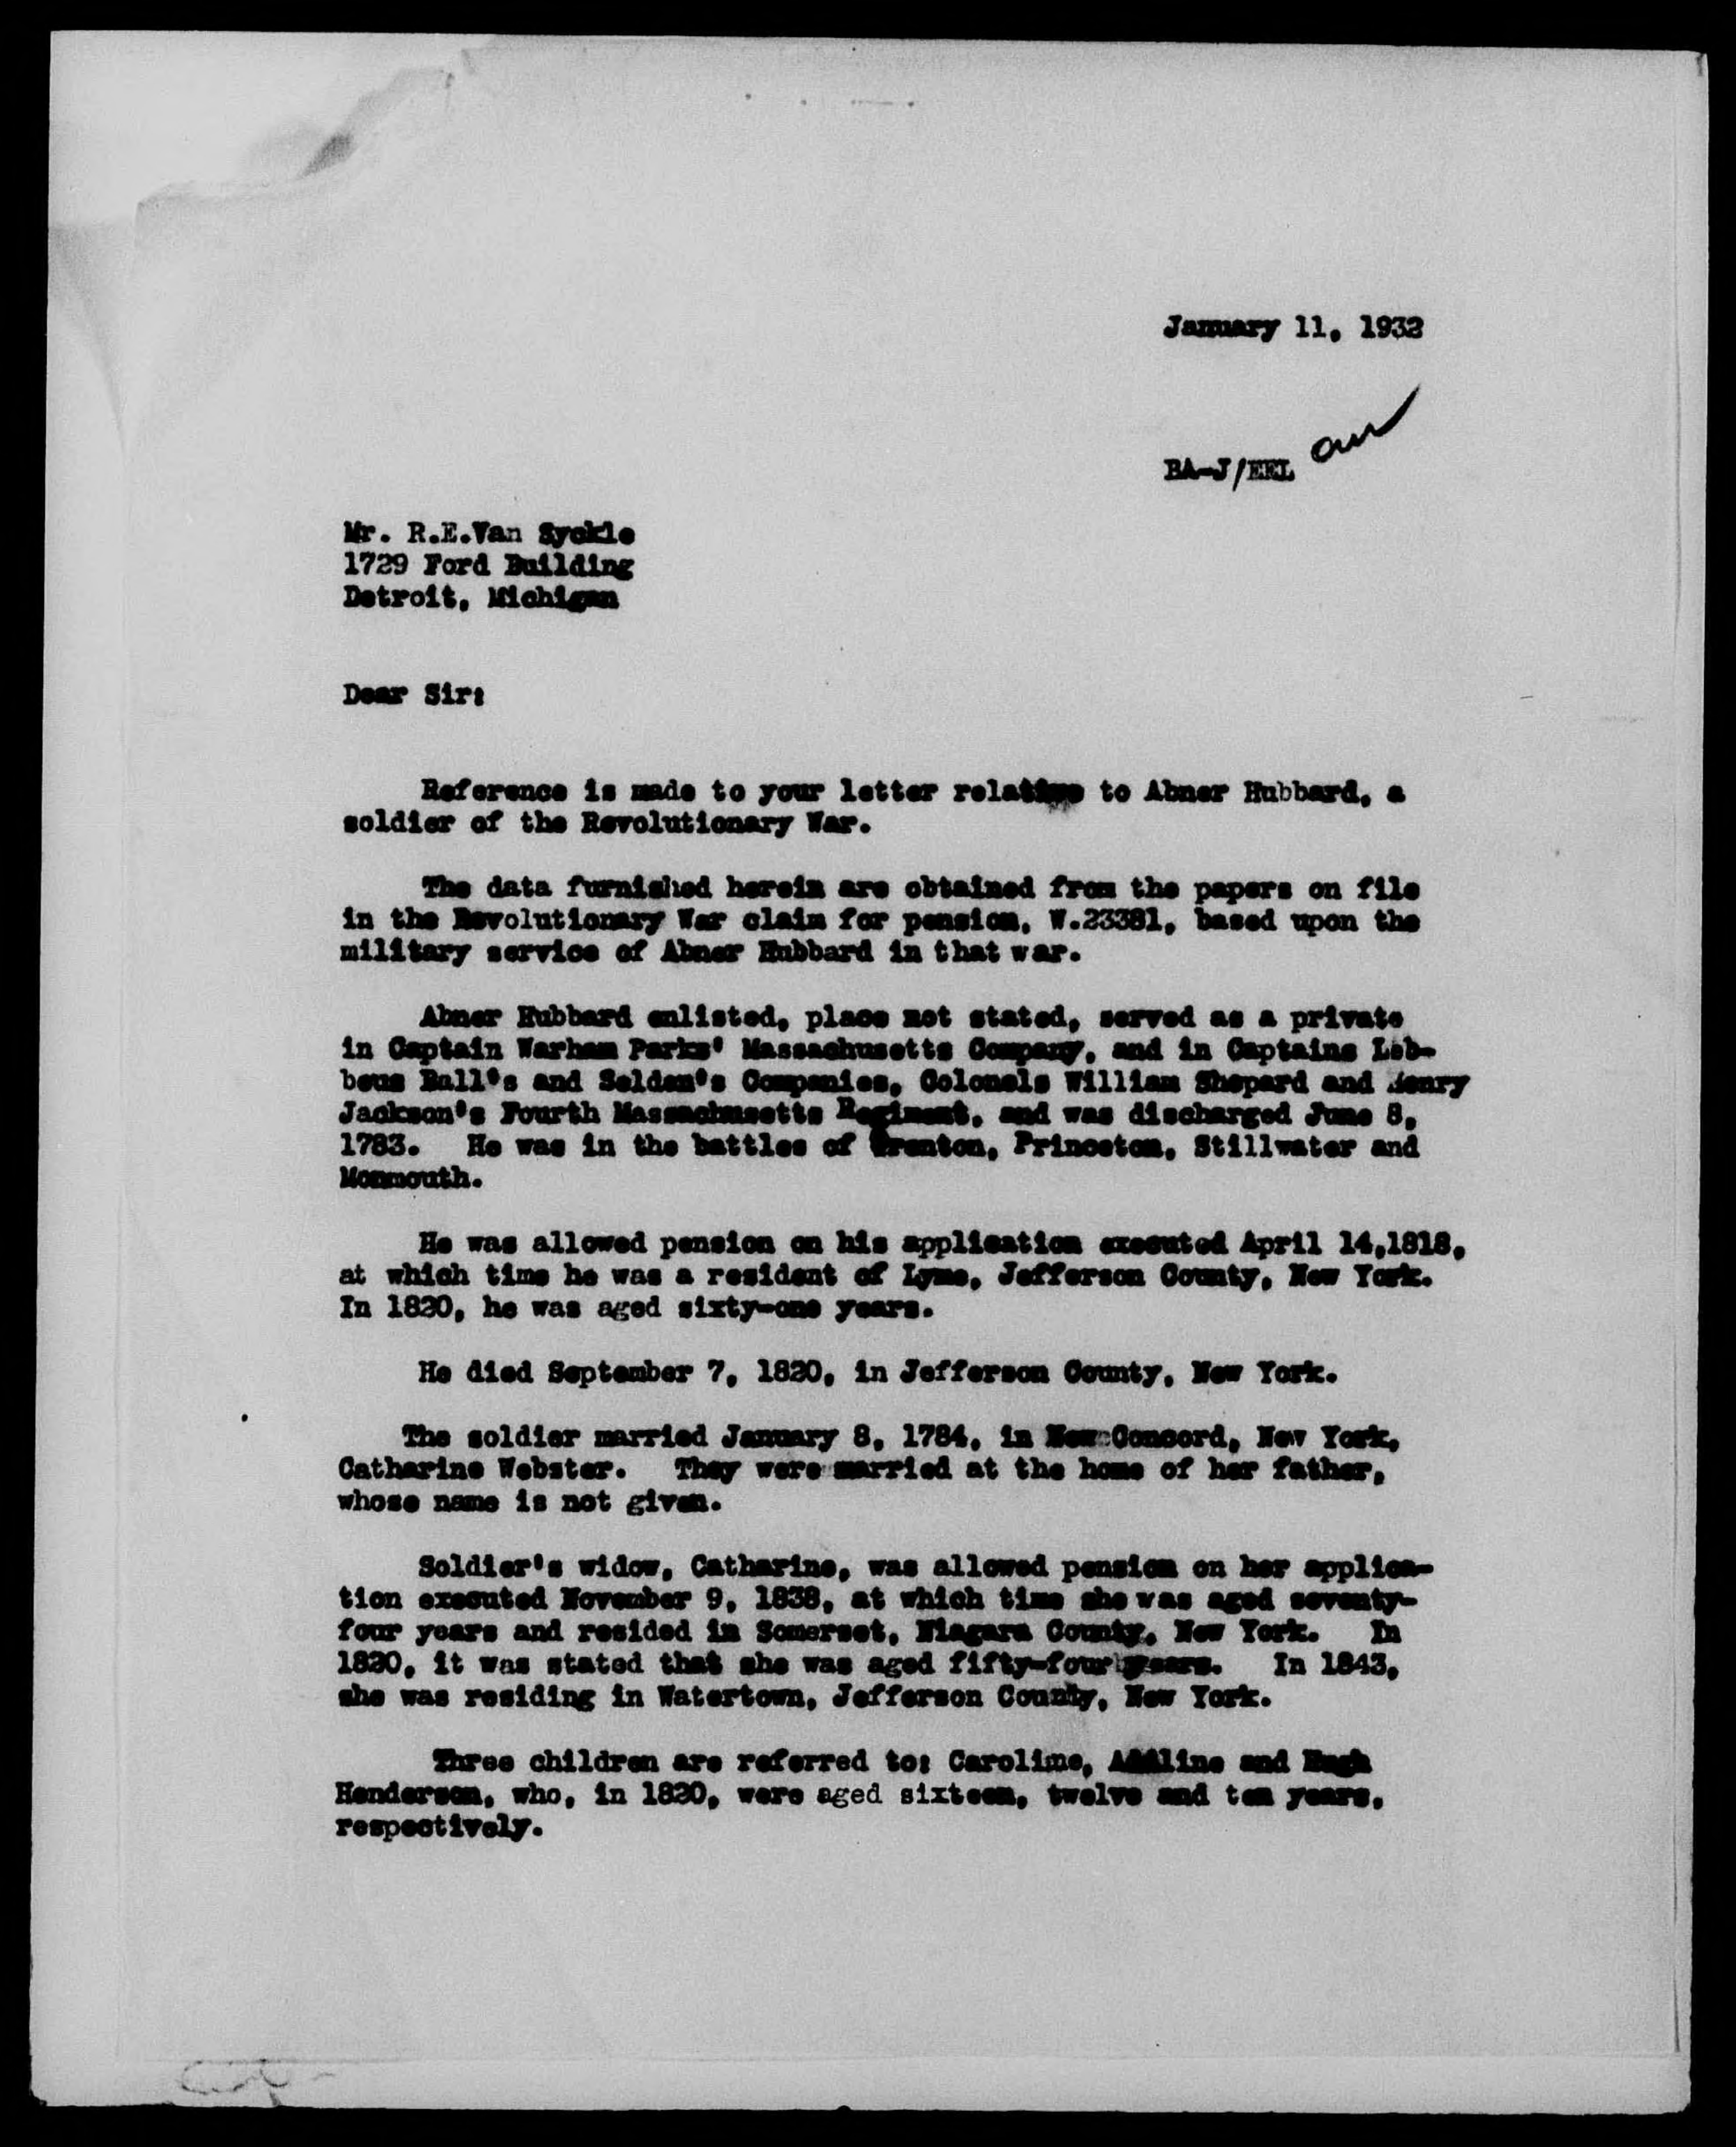January 11, 1933
BA/EEl
Mr. R.E. Van Syckle
1729 Ford Building
Detroit, Michigan

Dear Sir:

Reference is made to your letter relations to Abner Hubbard, a
soldier of the Revolutionary War.

The data furnished herein are obtained from the papers on file
in the Revolutionary War claim for pension, @.23381, based upon the
military service of Abner Hubbard in that war.

Abner Hubbard enlisted, place nat stated, served as a private
in Captain Warham Perks' Massachusetts Company, and in Captains Lob-
beus Hall's and Seldom's Companies, Colonels William Shepard and Henry
Jackson's Fourth Massachusetts Regiment, and was discharged June 8,
1783. He was in the Battles of Brenton, Princeton, Stillwater and
Monmouth

He was allowed pension on his application executed April 14, 1818
at which time he was a resident of Lyme, Jefferson County, New York.
In 1830, he was aged sixty-one years.

He died September 7, 1830, in Jefferson County, New York.

The soldier married January 8, 1784, in New Concord, New York,
Catharine Webster. They were married at the home of her father,
whose name is not given.

Soldier's widow, Catherine, was allowed pension on her applica-
tion executed November 9, 1838, at which time she was aged seventy-
four years and resided in Somerset, Elagara County, New York. In
1830, it was stated that she was aged fifty-four years. In 1843,
she was residing in Watertown, Jefferson County, New York.

Three children are referred to: Caroline, Adaline and Hugh
Henderson, who, in 1830, were aged sixteen, twelve and ten years,
Re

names: R E Van Syckle, Hugh Henderson, Abner Hubbard, Caroline Henderson, Adaline Henderson, Catharine Webster, William Shepard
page: 12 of 38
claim: widow's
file: W. 23,381, Abner Hubbard, Continental Mass.